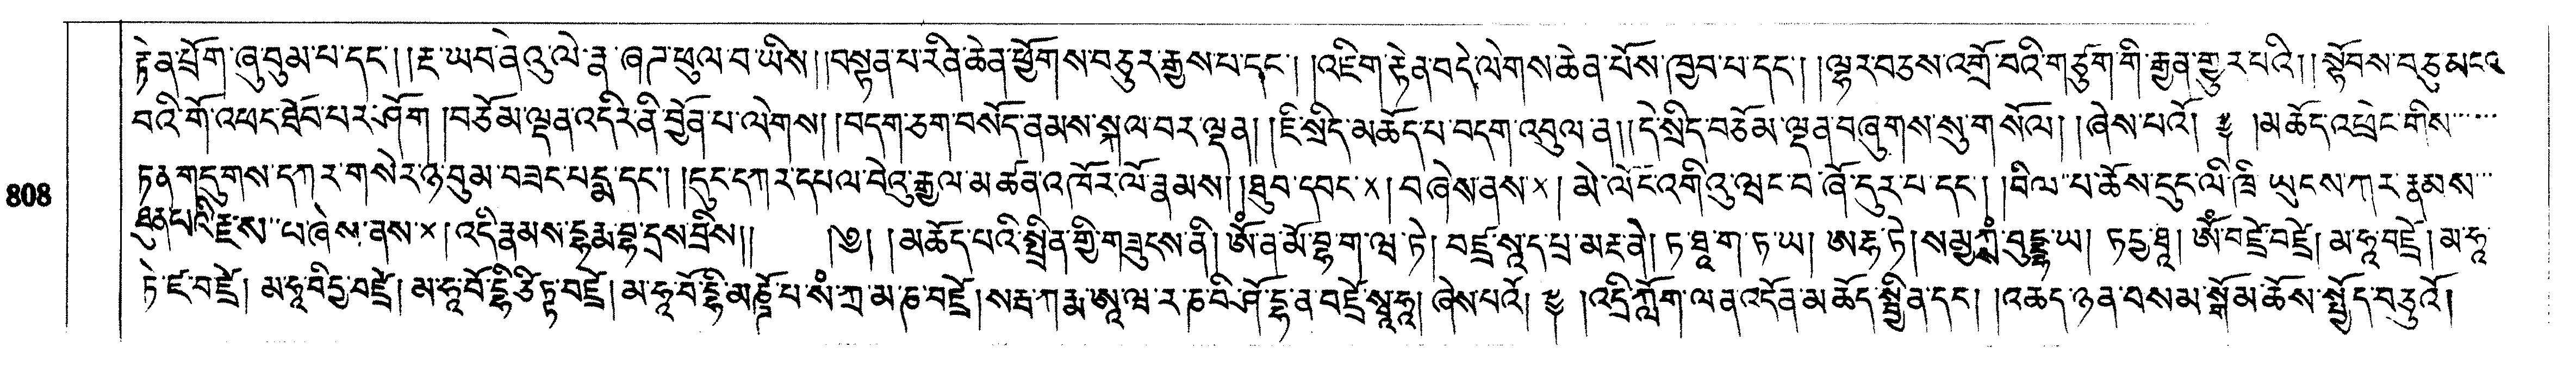རྟེན་པྲོག་ཞུ་བུམ་པ་དང་། །རྔ་ཡབ་ནེའུ་ལེ་རྣ་ཞགས་ཕུལ་བ་ཡིས། །བསྟན་པ་རིན་ཆེན་ཕྱོགས་བཅུར་རྒྱས་པ་དང་། །འཇིག་རྟེན་བདེ་ལེགས་ཆེན་པོས་ཁྱབ་པ་དང་། །ལྷར་བཅས་འགྲོ་བའི་གཙུག་གི་རྒྱན་གྱུར་པའི། །སྟོབས་བཅུ་མངའ་
བའི་གོ་འཕང་ཐོབ་པར་ཤོག །བཅོམ་ལྡན་འདིར་ནི་བྱོན་པ་ལེགས། །བདག་ཅག་བསོད་ནམས་སྐལ་བར་ལྡན། །ཇི་སྲིད་མཆོད་པ་བདག་འབུལ་ན། །དེ་སྲིད་བཅོམ་ལྡན་བཞུགས་སུ་གསོལ། །ཞེས་པའོ། ༈ །མཆོད་འཕྲེང་གིས་
ཏན་གདུགས་དཀར་གསེར་ཉ་བུམ་བཟང་པདམ་དང་། །དུང་དཀར་དཔལ་བེའུ་རྒྱལ་མཚན་འཁོར་ལོ་རྣམས། །ཐུབ་དབང་྾། བཞེས་ནས་྾། མེ་ལོང་འགིའུ་ཝང་བ་ཞོ་དུར་པ་དང་། །བིལ་པ་ཆོས་དུང་ལི་ཁྲི་ཡུངས་ཀར་རྣམས་
ཐུན་པའི་རྫས་པ་ཞེས་ནས྾། འདི་རྣམས་དྷརྨ་བྷ་དྲས་བྲིས།། །༄༅། །མཆོད་པའི་སྤྲིན་གྱི་གཟུངས་ནི། ཨོཾ་ན་མོ་བྷ་ག་ཝ་ཏེ། བཛྲ་སཱ་ད་པྲ་མརྔ་ནེ། ཏ་ཐཱ་ག་ཏ་ཡ། ཨརྷ་ཏེ། སམྱ་ཀྶཾ་བུདྡྷ་ཡ། ཏདྱ་ཐཱ། ཨོཾ་བཛྲེ་བྫྲེ། མ་ཧཱ་བཛྲེ། མ་ཧཱ་
ཏེ་ཛ་བཛྲེ། མ་ཧཱ་བིདྱ་བཛྲེ། མ་ཧཱ་བོ་དྷི་ཙི་ཏྟ་བཛྲེ། མ་ཧཱ་བོ་དྷི་མཎྜོ་པ་སཾ་ཀྲ་མ་ཎ་བཛྲེ། སརྦ་ཀརྨ་ཨཱ་ཝ་ར་ཎ་བི་ཤོ་དྷ་ན་བཛྲེ་སྭཱཧཱ། ཞེས་པའོ། ༈ །འདྲི་ཀློག་ལན་འདོན་མཆོད་སྦྱིན་དང་། །འཆད་ཉན་བསམ་སྒོམ་ཆོས་སྤྱོད་བཅུའོ།